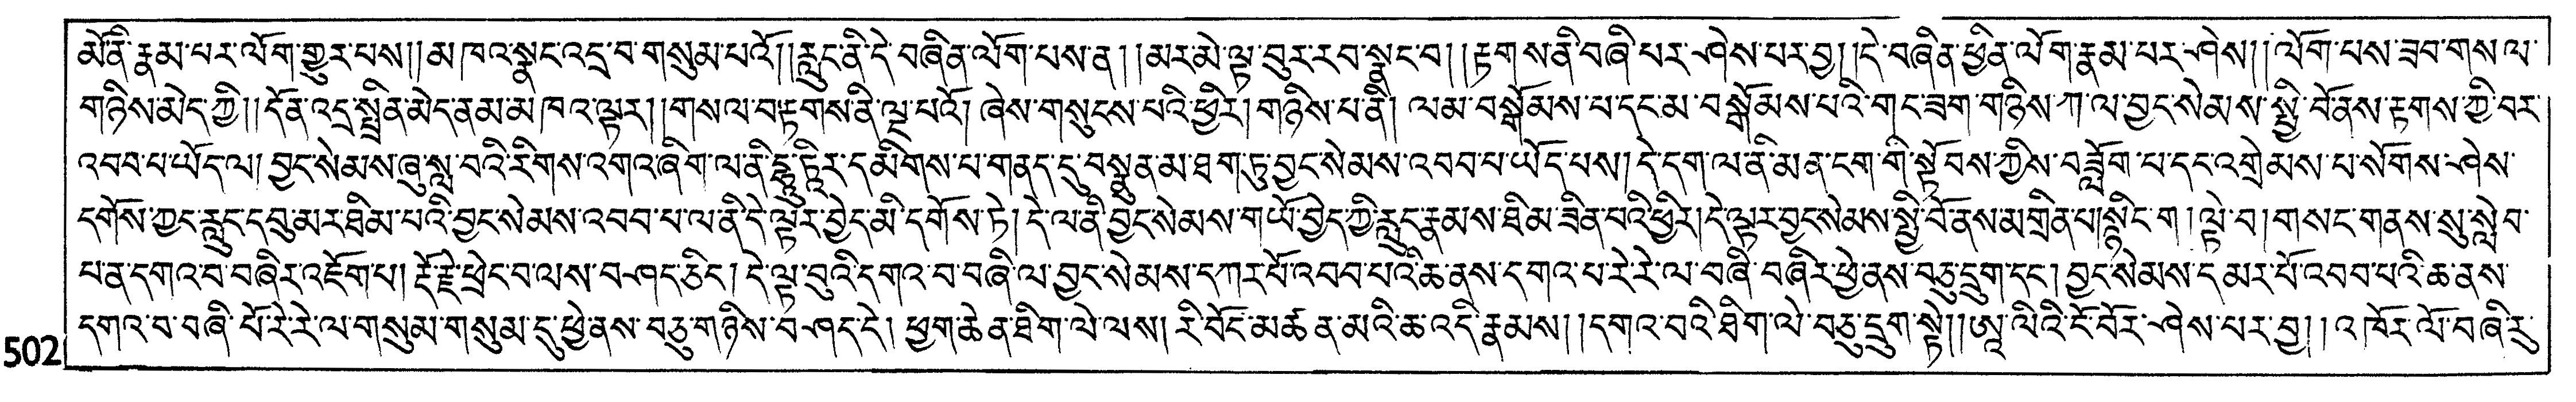མོ་ནི་རྣམ་པར་ལོག་གྱུར་པས། །མཁའ་སྣང་འདྲ་བ་གསུམ་པའོ། །རླུང་ནི་དེ་བཞིན་ལོག་པས་ན། །མར་མེ་ལྟ་བུར་རབ་སྣང་བ། །རྟགས་ནི་བཞི་པར་ཤེས་པར་བྱ། །དེ་བཞིན་ཕྱིན་ལོག་རྣམ་པར་ཤེས། །ལོག་པས་ཟབ་གསལ་
གཉིས་མེད་ཀྱི། །དོན་འདྲ་སྤྲིན་མེད་ནམ་མཁའ་ལྟར། །གསལ་བ་རྟགས་ནི་ལྔ་པའོ། ཞེས་གསུངས་པའི་ཕྱིར། གཉིས་པ་ནི། ལམ་བསྒོམས་པ་དང་མ་བསྒོམས་པའི་གང་ཟག་གཉིས་ཀ་ལ་བྱང་སེམས་སྤྱི་བོ་ནས་རྟགས་ཀྱི་བར་
འབབ་པ་ཡོད་ལ། བྱང་སེམས་ཞུ་སླ་བའི་རིགས་འགའ་ཞིག་ལ་ནི་དྷཱུ་ཏཱིར་དམིགས་པ་གནད་དུ་བསྣུན་མ་ཐག་ཏུ་བྱང་སེམས་འབབ་པ་ཡོད་པས། དེ་དག་ལ་ནི་མན་ངག་གི་སྟོབས་ཀྱིས་བཟློག་པ་དང་འགྲེམས་པ་སོགས་ཤེས་
དགོས་ཀྱང་རླུང་དབུ་མར་ཐིམ་པའི་བྱང་སེམས་འབབ་པ་ལ་ནི་དེ་ལྟར་བྱེད་མི་དགོས་ཏེ། དེ་ལ་ནི་བྱང་སེམས་གཡོ་བྱེད་ཀྱི་རླུང་རྣམས་ཐིམ་ཟིན་པའི་ཕྱིར། དེ་ལྟར་བྱང་སེམས་སྤྱི་བོ་ནས་མགྲིན་པ། སྙིང་ག །ལྟེ་བ། གསང་གནས་སུ་སླེབ་
པ་ན་དགའ་བ་བཞིར་འཇོག་པ། རྡོ་རྗེ་ཕྲེང་བ་ལས་བཤད་ཅིང་། དེ་ལྟ་བུའི་དགའ་བ་བཞི་ལ་བྱང་སེམས་དཀར་པོ་འབབ་པའི་ཆ་ནས་དགའ་པ་རེ་རེ་ལ་བཞི་བཞིར་ཕྱེ་ནས་བཅུ་དྲུག་དང་། བྱང་སེམས་དམར་པོ་འབབ་པའི་ཆ་ནས་
དགའ་བ་བཞི་པོ་རེ་རེ་ལ་གསུམ་གསུམ་དུ་ཕྱེ་ནས་བཅུ་གཉིས་བཤད་དེ། ཕྱག་ཆེན་ཐིག་ལེ་ལས། རི་བོང་མཚན་མའི་ཆ་འདི་རྣམས། །དགའ་བའི་ཐིག་ལེ་བཅུ་དྲུག་སྟེ། །ཨཱ་ལིའི་ངོ་བོར་ཤེས་པར་བྱ། །འཁོར་ལོ་བཞི་རུ་